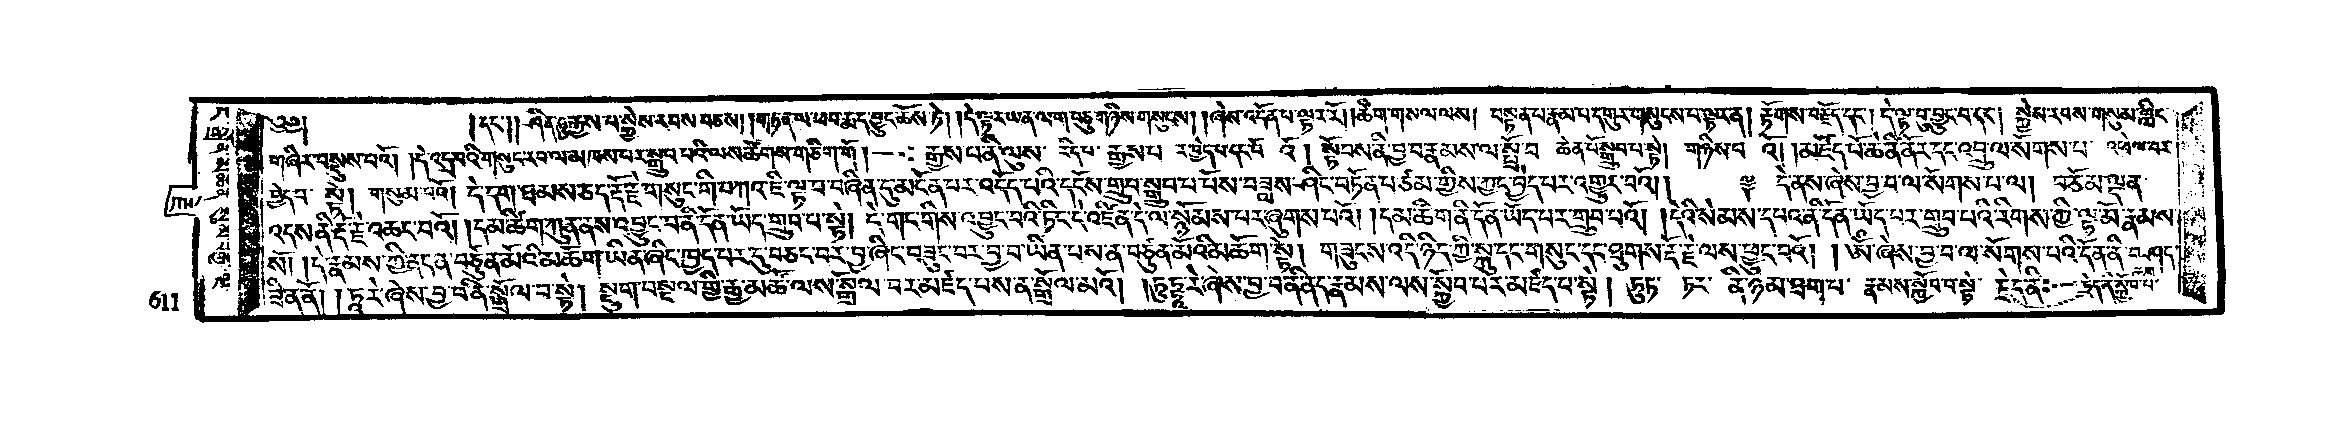༄༅། །དང་། ཤིན་དུ་རྒྱས་པ་སྐྱེས་རབས་བཅས། །ལ་ཕབ་རྨད་བྱུང་ཆོས་ཏེ། །དེ་ལྟར་ཡན་ལག་བཅུ་གཉིས་གསུངས། །ཞེས་འདོན་པ་ལྟར་རོ། །ཚིག་གསལ་ལས། བསྟན་པ་རྣམ་པ་དགུར་གསུངས་པ་ལྟར་ན། རྟོགས་བརྗོད་དང་། དེ་ལྟ་བུ་བྱུང་བ་དང་། སྐྱེས་རབས་གསུམ་གླེང་
གཞིར་བསྡུས་པའོ། །དེ་འདྲ་བའི་གསུང་རབ་ལ་མཁས་པར་སྒྲུབ་པའི་ལས་ཚོགས་གཅིག་གོ །རྒྱས་པ་ནི་ལུས་རིད་པ་རྒྱས་པར་བྱེད་པ་དང་པོའོ། སྟོབས་ནི་བྱ་བ་རྣམས་ལ་སྤྲོ་བ་ཆེན་པོ་སྒྲུབ་པ་སྟེ། གཉིས་པའོ། །མཛོད་པོ་ཆེ་ནི་ནོར་དང་འབྲུལ་སོགས་པ་འཕེལ་བར་
བྱེད་པ་སྟེ། གསུམ་པའོ། དེ་དག་ཐམས་ཅད་རྡོ་རྗེ་གསུང་གི་བཀའ་ཇི་ལྟ་བ་བཞིན་དུ་མངོན་པར་འདོད་པའི་དངོས་གྲུབ་སྒྲུབ་པ་པོས་བཟླས་ཤིང་བཏོན་པ་ཙམ་གྱིས་ཀྱང་བྱེད་པར་འགྱུར་བའོ།། ༈ དེ་ནས་ཞེས་བྱ་བ་ལ་སོགས་པ་ལ། བཅོམ་ལྡན་
འདས་ནི་རྡོ་རྗེ་འཆང་བའོ། །དམ་ཚིག་ཀུན་ནས་འབྱུང་བ་ནི་དོན་ཡོད་གྲུབ་པ་སྟེ། དེ་གང་གིས་འབྱུང་བའི་ཏིང་ངེ་འཛིན་དེ་ལ་སྙོམས་པར་ཞུགས་པའོ། །དམ་ཚིག་ནི་དོན་ཡོད་པར་གྲུབ་པའོ། །དེའི་སེམས་དཔའ་ནི་དོན་ཡོད་པར་གྲུབ་པའི་རིགས་ཀྱི་ལྷ་ནོ་རྣམས་
སོ། །དེ་རྣམས་ཀྱི་ནང་ན་བཙུན་མོའི་མཆོག་ཡིན་ཞིང་ཁྱད་པར་དུ་བཅང་བར་བྱ་ཞིང་བཟུང་བར་བྱ་བ་ཡིན་པས་ན་བཙུན་མོའི་མཆོག་སྟེ། གཟུངས་འདི་ཉིད་ཀྱི་སྐུ་དང་གསུང་དང་ཐུགས་རྡོ་རྗེ་ལས་ཕྱུང་བའོ། །ཨོཾ་ཞེས་བྱ་བ་ལ་སོགས་པའི་དོན་ནི་བཤད་
ཟིན་ནོ། །ཏཱ་རེ་ཞེས་བྱ་བ་ནི་སྒྲོལ་བ་སྟེ། སྡུག་བསྔལ་གྱི་རྒྱ་མཚོ་ལས་སྒྲོལ་བར་མཛད་པས་ན་སྒྲོལ་མའོ། །ཏུ་ཏྟཱ་རེ་ཞེས་བྱ་བ་ནི་ནད་རྣམས་ལས་སྐྱོབ་པར་མཛད་པ་སྟེ། ཏུཏ་ཏར་ནི་ཉམ་ཐག་པ་རྣམས་སྐྱོབ་པ་སྟེ་ཏྲེད་ནི་ཏྲེད་ནི་སྐྱོབ་ཆག་པ་